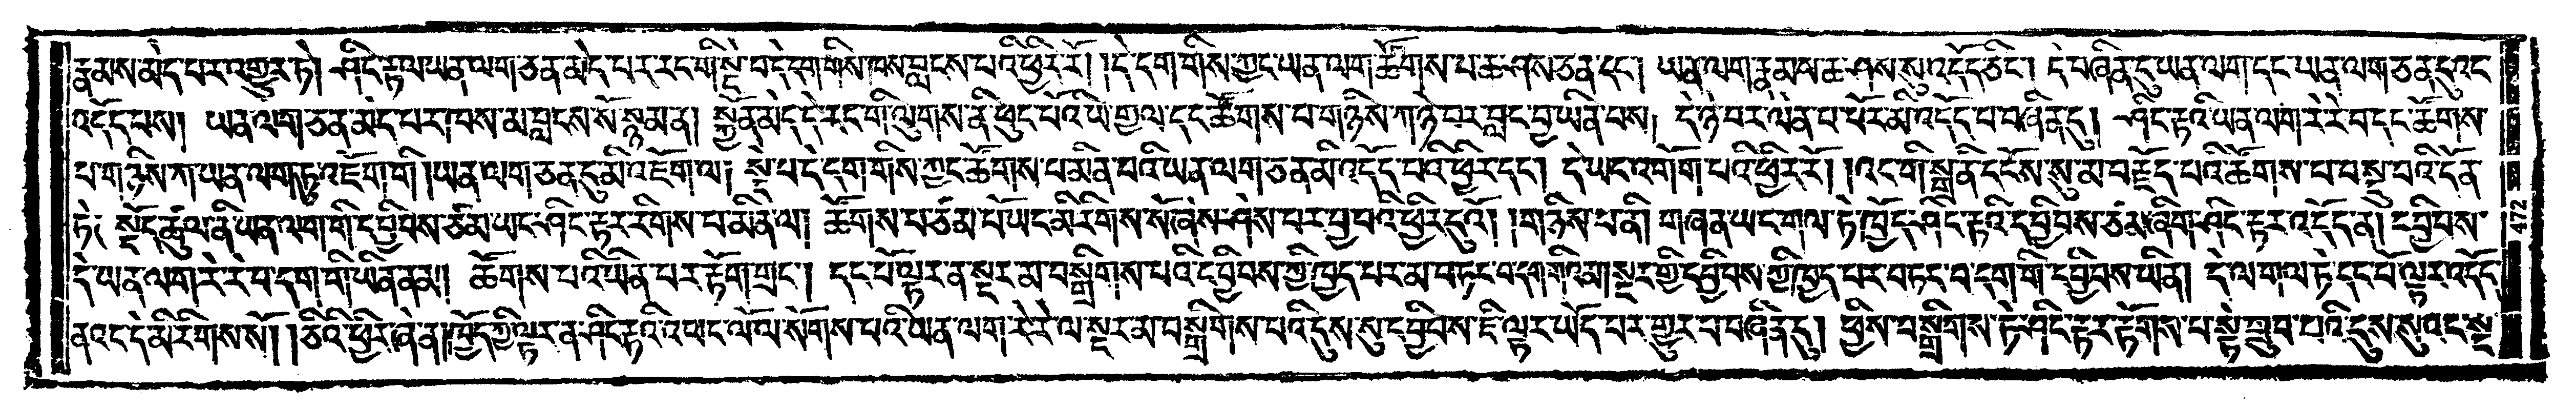རྣམས་མེད་པར་འགྱུར་ཏེ། ཤིང་རྟ་ལ་ཡན་ལག་ཅན་མེད་པར་རང་གི་སྡེ་པ་དེ་དག་གིས་ཁས་བླངས་པའི་ཕྱིར་རོ། །དེ་དག་གིས་ཀྱང་ཡན་ལག་ཚོགས་པ་ཆ་ཤས་ཅན་དང་། ཡན་ལག་རྣམས་ཆ་ཤས་སུ་འདོད་ཅིང་། དེ་བཞིན་དུ་ཡན་ལག་དང་ཡན་ལག་ཅན་དུའང་
འདོད་པས། ཡན་ལག་ཅན་མེད་པར་ཁས་མ་བླངས་སོ་སྙམ་ན། སྐྱོན་མེད་དེ་རང་གི་ལུགས་ནི་ཕུང་པོའི་ཡ་གྱལ་དང་ཚོགས་པ་གཉིས་ཀ་ཉེ་བར་བླང་བྱ་ཡིན་པས། དེ་ཉེ་བར་ལེན་པ་པོར་མི་འདོད་པ་བཞིན་དུ། ཤིང་རྟའི་ཡན་ལག་རེ་རེ་བ་དང་ཚོགས་
པ་གཉིས་ཀ་ཡན་ལག་ཏུ་འཇོག་གི །ཡན་ལག་ཅན་དུ་མི་འཇོག་ལ། སྡེ་པ་དེ་དག་གིས་ཀྱང་ཚོགས་པ་མིན་པའི་ཡན་ལག་ཅན་མི་འདོད་པའི་ཕྱིར་དང་། དེ་ཡང་འགོག་པའི་ཕྱིར་རོ། །འང་གི་སྒྲ་ནི་དངོས་སུ་མ་བརྗོད་པའི་ཚོགས་པ་བསྡུ་བའི་དོན་
ཏེ༑ སྡོད་ཚུལ་ནི་ཡན་ལག་གི་དབྱིབས་ཙམ་ཡང་ཤིང་རྟར་རིགས་པ་མིན་ལ། ཚོགས་པ་ཙམ་པོ་ཡང་མི་རིགས་སོ་ཞེས་ཤེས་པར་བྱ་བའི་ཕྱིར་དུའོ། །གཉིས་པ་ནི། གཞན་ཡང་གལ་ཏེ་ཁྱོད་ཤིང་རྟའི་དབྱིབས་ཙམ་ཞིག་ཤིང་རྟར་འདོད་ན། དབྱིབས་
དེ་ཡན་ལག་རེ་རེ་བ་དག་གི་ཡིན་ནམ། ཚོགས་པའི་ཡིན་པར་རྟོག་གྲང་། དང་པོ་ལྟར་ན་སྔར་མ་བསྒྲིགས་པའི་དབྱིབས་ཀྱི་ཁྱད་པར་མ་བཏང་བ་དག་གིའམ། སྔར་གྱི་དབྱིབས་ཀྱི་ཁྱད་པར་བཏང་བ་དག་གི་དབྱིབས་ཡིན། དེ་ལ་གལ་ཏེ་དང་པོ་ལྟར་འདོད་
པའང་དེ་མི་རིགས་སོ། །ཅིའི་ཕྱིར་ཞེ་ན། ཁྱོད་ཀྱི་ལྟར་ན་ཤིང་རྟའི་འཕང་ལོ་ལ་སོགས་པའི་ཡན་ལག་རེ་རེ་ལ་སྔར་མ་བསྒྲིགས་པའི་དུས་སུ་དབྱིབས་ཇི་ལྟར་ཡོད་པར་གྱུར་པ་བཞིན་དུ། ཕྱིས་བསྒྲིགས་ཏེ་ཤིང་རྟར་རྟོགས་པ་སྟེ་གྲུབ་པའི་དུས་སུའང་སྔ་